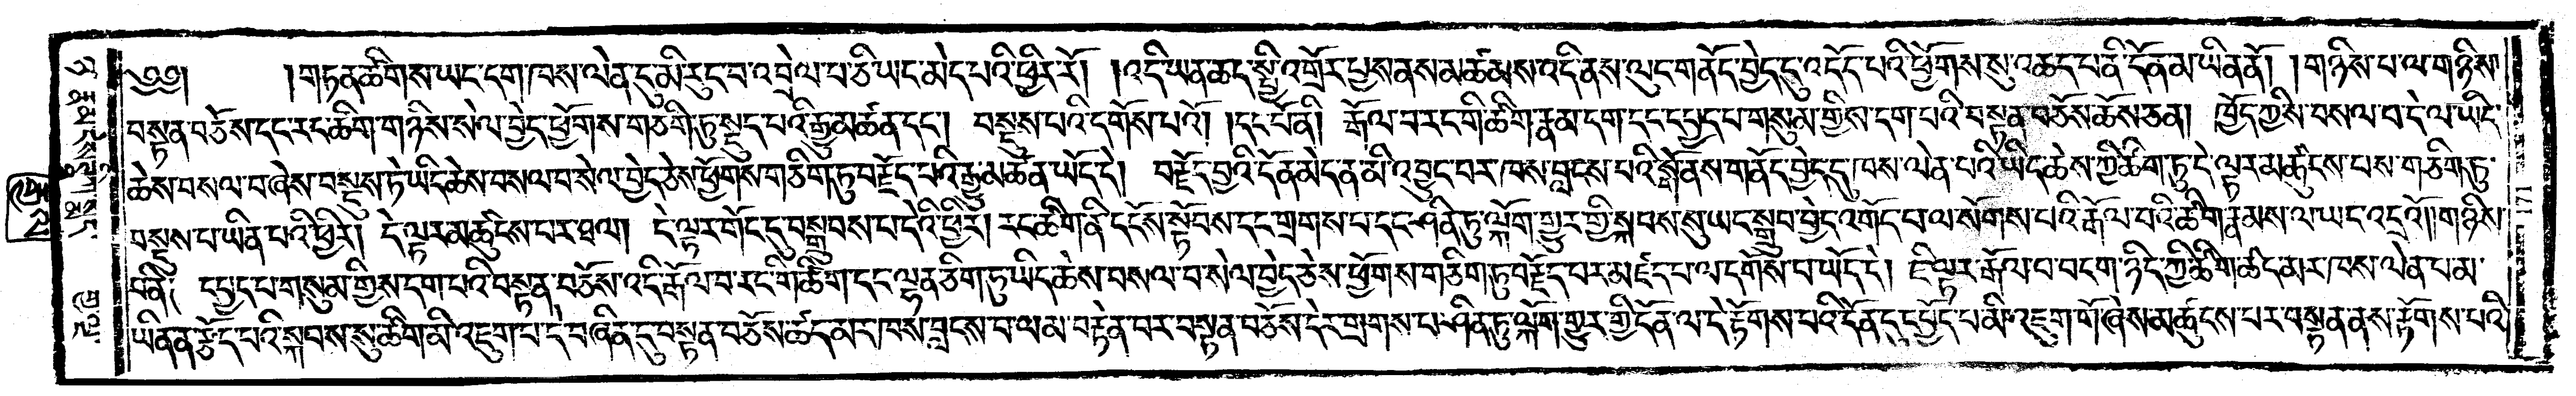༄༅། །གཏན་ཚིགས་ཡང་དག་ཁས་ལེན་དུ་མི་རུང་བ་འབྲེལ་པ་ཅི་ཡང་མེད་པའི་ཕྱིར་རོ། །འདི་ཡན་ཆད་སྤྱི་འགྲོར་བྱས་ནས་མཚམས་འདི་ནས་ལུང་གནོད་བྱེད་དུ་འདོད་པའི་ཕྱོགས་སུ་འཆད་པ་ནི་དོན་མ་ཡིན་ནོ། །གཉིས་པ་ལ་གཉིས་
བསྟན་བཅོས་དང་རང་ཚིག་གཉིས་སེལ་བྱེད་ཕྱོགས་གཅིག་ཏུ་སྡུད་པའི་རྒྱུ་མཚན་དང་། བསྡུས་པའི་དགོས་པའོ། །དང་པོ་ནི། རྒོལ་བ་རང་གི་ཚིག་རྣམ་དག་དང་དཔྱད་པ་གསུམ་གྱིས་དག་པའི་བསྟན་བཅོས་ཆོས་ཅན། ཁྱོད་ཀྱིས་བསལ་བ་དེ་ལ་ཡིད་
ཆེས་བསལ་བ་ཞེས་བསྡུས་ཏེ་ཡིད་ཆེས་བསལ་བ་སེལ་བྱེད་ཅེས་ཕྱོགས་གཅིག་ཏུ་བརྗོད་པའི་རྒྱུ་མཚན་ཡོད་དེ། བརྗོད་བྱའི་དོན་མེད་ན་མི་འབྱུང་བར་ཁས་བླངས་པའི་སྒོ་ནས་གནོད་བྱེད་དུ་ཁས་ལེན་པའི་ཡིད་ཆེས་ཀྱི་ཚིག་ཏུ་དེ་ལྟར་མཚུངས་པས་གཅིག་ཏུ་
བསྡུས་པ་ཡིན་པའི་ཕྱིར། དེ་ལྟར་མཚུངས་པར་ཐལ། དེ་ལྟར་གོང་དུ་བསྒྲུབས་པ་དེའི་ཕྱིར། རང་ཚིག་ནི་དངོས་སྟོབས་དང་གྲགས་པ་དང་ཤིན་ཏུ་ལྐོག་གྱུར་གྱི་སྐབས་སུ་ཡང་སྒྲུབ་བྱེད་འགོད་པ་ལ་སོགས་པའི་རྒོལ་པའི་ཚིག་རྣམས་ལ་ཡང་འདྲའོ། །གཉིས་
བ་ནི༑ དཔྱད་པ་གསུམ་གྱིས་དག་པའི་བསྟན་བཅོས་འདི་རྒོལ་བ་རང་གི་ཚིག་དང་ལྷན་ཅིག་ཏུ་ཡིད་ཆེས་བསལ་བ་སེལ་བྱེད་ཅེས་ཕྱོགས་གཅིག་ཏུ་བརྗོད་བར་མཛད་པ་ལ་དགོས་པ་ཡོད་དེ། ཇི་ལྟར་རྒོལ་བ་བདག་ཉིད་ཀྱི་ཚིག་ཚད་མར་ཁས་ལེན་པ་མ་
ཡིན་ན་རྩོད་པའི་སྐབས་སུ་ཚིག་མི་འཇུག་པ་དེ་བཞིན་དུ་བསྟན་བཅོས་ཚད་མར་ཁས་བླངས་བ་ལམ་བརྟེན་པར་བསྟན་བཅོས་དེར་གྲགས་པ་ཤིན་ཏུ་ལྐོག་གྱུར་གྱི་དོན་ལ་དེ་རྟོགས་པའི་དོན་དུ་དཔྱོད་པ་མི་འཇུག་གོ་ཞེས་མཚུངས་པར་བསྟན་ནས་རྟོགས་པའི་